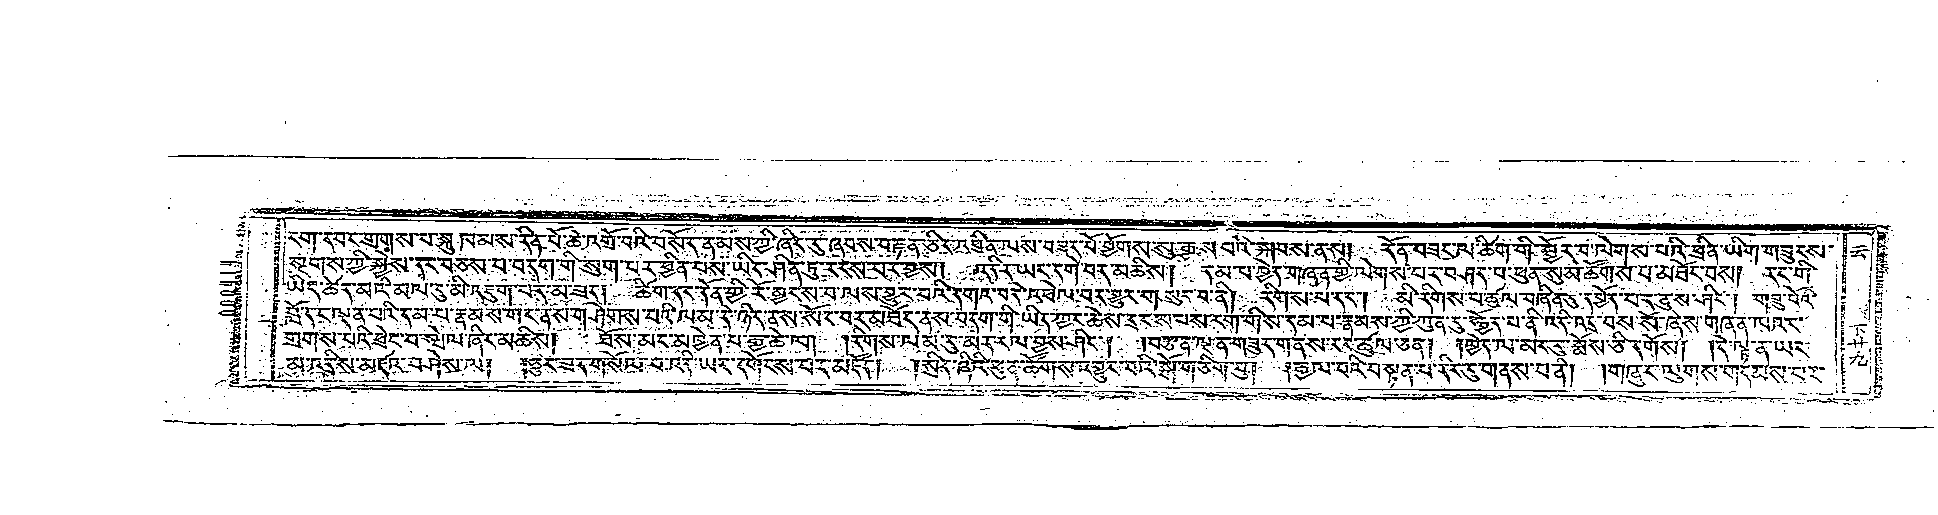ངག་དབང་གྲགས་པ་སྐུ་ཁམས་རིན་པོ་ཆེ་འགྲོ་བའི་བསོད་ནམས་ཀྱི་ཞིང་དུ་ཞབས་བརྟན་ཅིང་འཕྲིན་ལས་བཟང་པོ་ཕྱོགས་སུ་རྒྱས་པའི་སྐབས་ནས། དོན་བཟང་ལ་ཚིག་གི་སྦྱོར་བ་ལེགས་པའི་ཕྲིན་ཡིག་གཟུངས་
སྔགས་ཀྱི་སྐྱེས་དང་བཅས་པ་བདག་གི་སུག་པར་ཕྱིན་པས་ཡིད་ཤིན་ཏུ་རངས་པར་བྱས། འདིར་ཡང་དགེ་བར་མཆིས། དམ་པ་ཁྱེད་གཞན་གྱི་ལེགས་པར་བཤད་པ་ཕུན་སུམ་ཚོགས་པ་མཐོང་བས། རང་གི་
ཡིད་ཚེར་མའི་མལ་དུ་མི་འཇུག་པར་མ་ཟད། ཚིག་དང་དོན་གྱི་རོ་མྱངས་བ་ལས་བྱུང་བའི་དགའ་བདེ་འཕེལ་བར་བྱུང་གསུང་བ་ནི། རིགས་པ་དང་། མི་རིགས་པ་ཚུལ་བཞིན་དུ་དཔྱོད་པར་ནུས་ཤིང་། གཟུ་བོའི་
བློ་དང་ལྡན་པའི་དམ་པ་རྣམས་གང་ནས་གཤེགས་པའི་ལམ་རེ་ཉིད་ནས་སོང་བར་མཐོང་ནས་བདག་གི་ཡིད་ཀྱང་ཆེས་དྲངས་པས་ངག་གིས་དམ་པ་རྣམས་ཀྱི་ཀུན་དུ་སྤྱོད་པ་ནི་འདི་འདྲ་བས་སོ་ཞེས་གཞན་ལའང་
གྲགས་པའི་ཕྲེང་བ་སྦེལ་ཞིང་མཆིས། ཐོས་མང་མཁྱེན་པ་རྒྱ་ཆེ་ལ། །རིགས་ལམ་དུ་མར་རལ་བྱས་ཤིང་། བརྩན་ལྡན་གཟུར་གནས་ངང་ཚུལ་ཅན། །ཁྱེད་ལ་མང་དུ་སྨོས་ཅི་དགོས། །དེ་ལྟ་ན་ཡང་
མ་འདྲིས་མཛའ་བཤེས་ལ། །ཅུང་ཟད་གསོལ་བ་འདི་ཡང་དགོངས་པར་མཛོད། །སྲིད་ཞིའི་ཕུན་ཚོགས་འབྱུང་བའི་སྒོ་གཅིག་པུ། །རྒྱལ་བའི་བསྟན་པ་རིང་དུ་གནས་པ་ནི། །གཞུང་ལུགས་གདམས་པར་